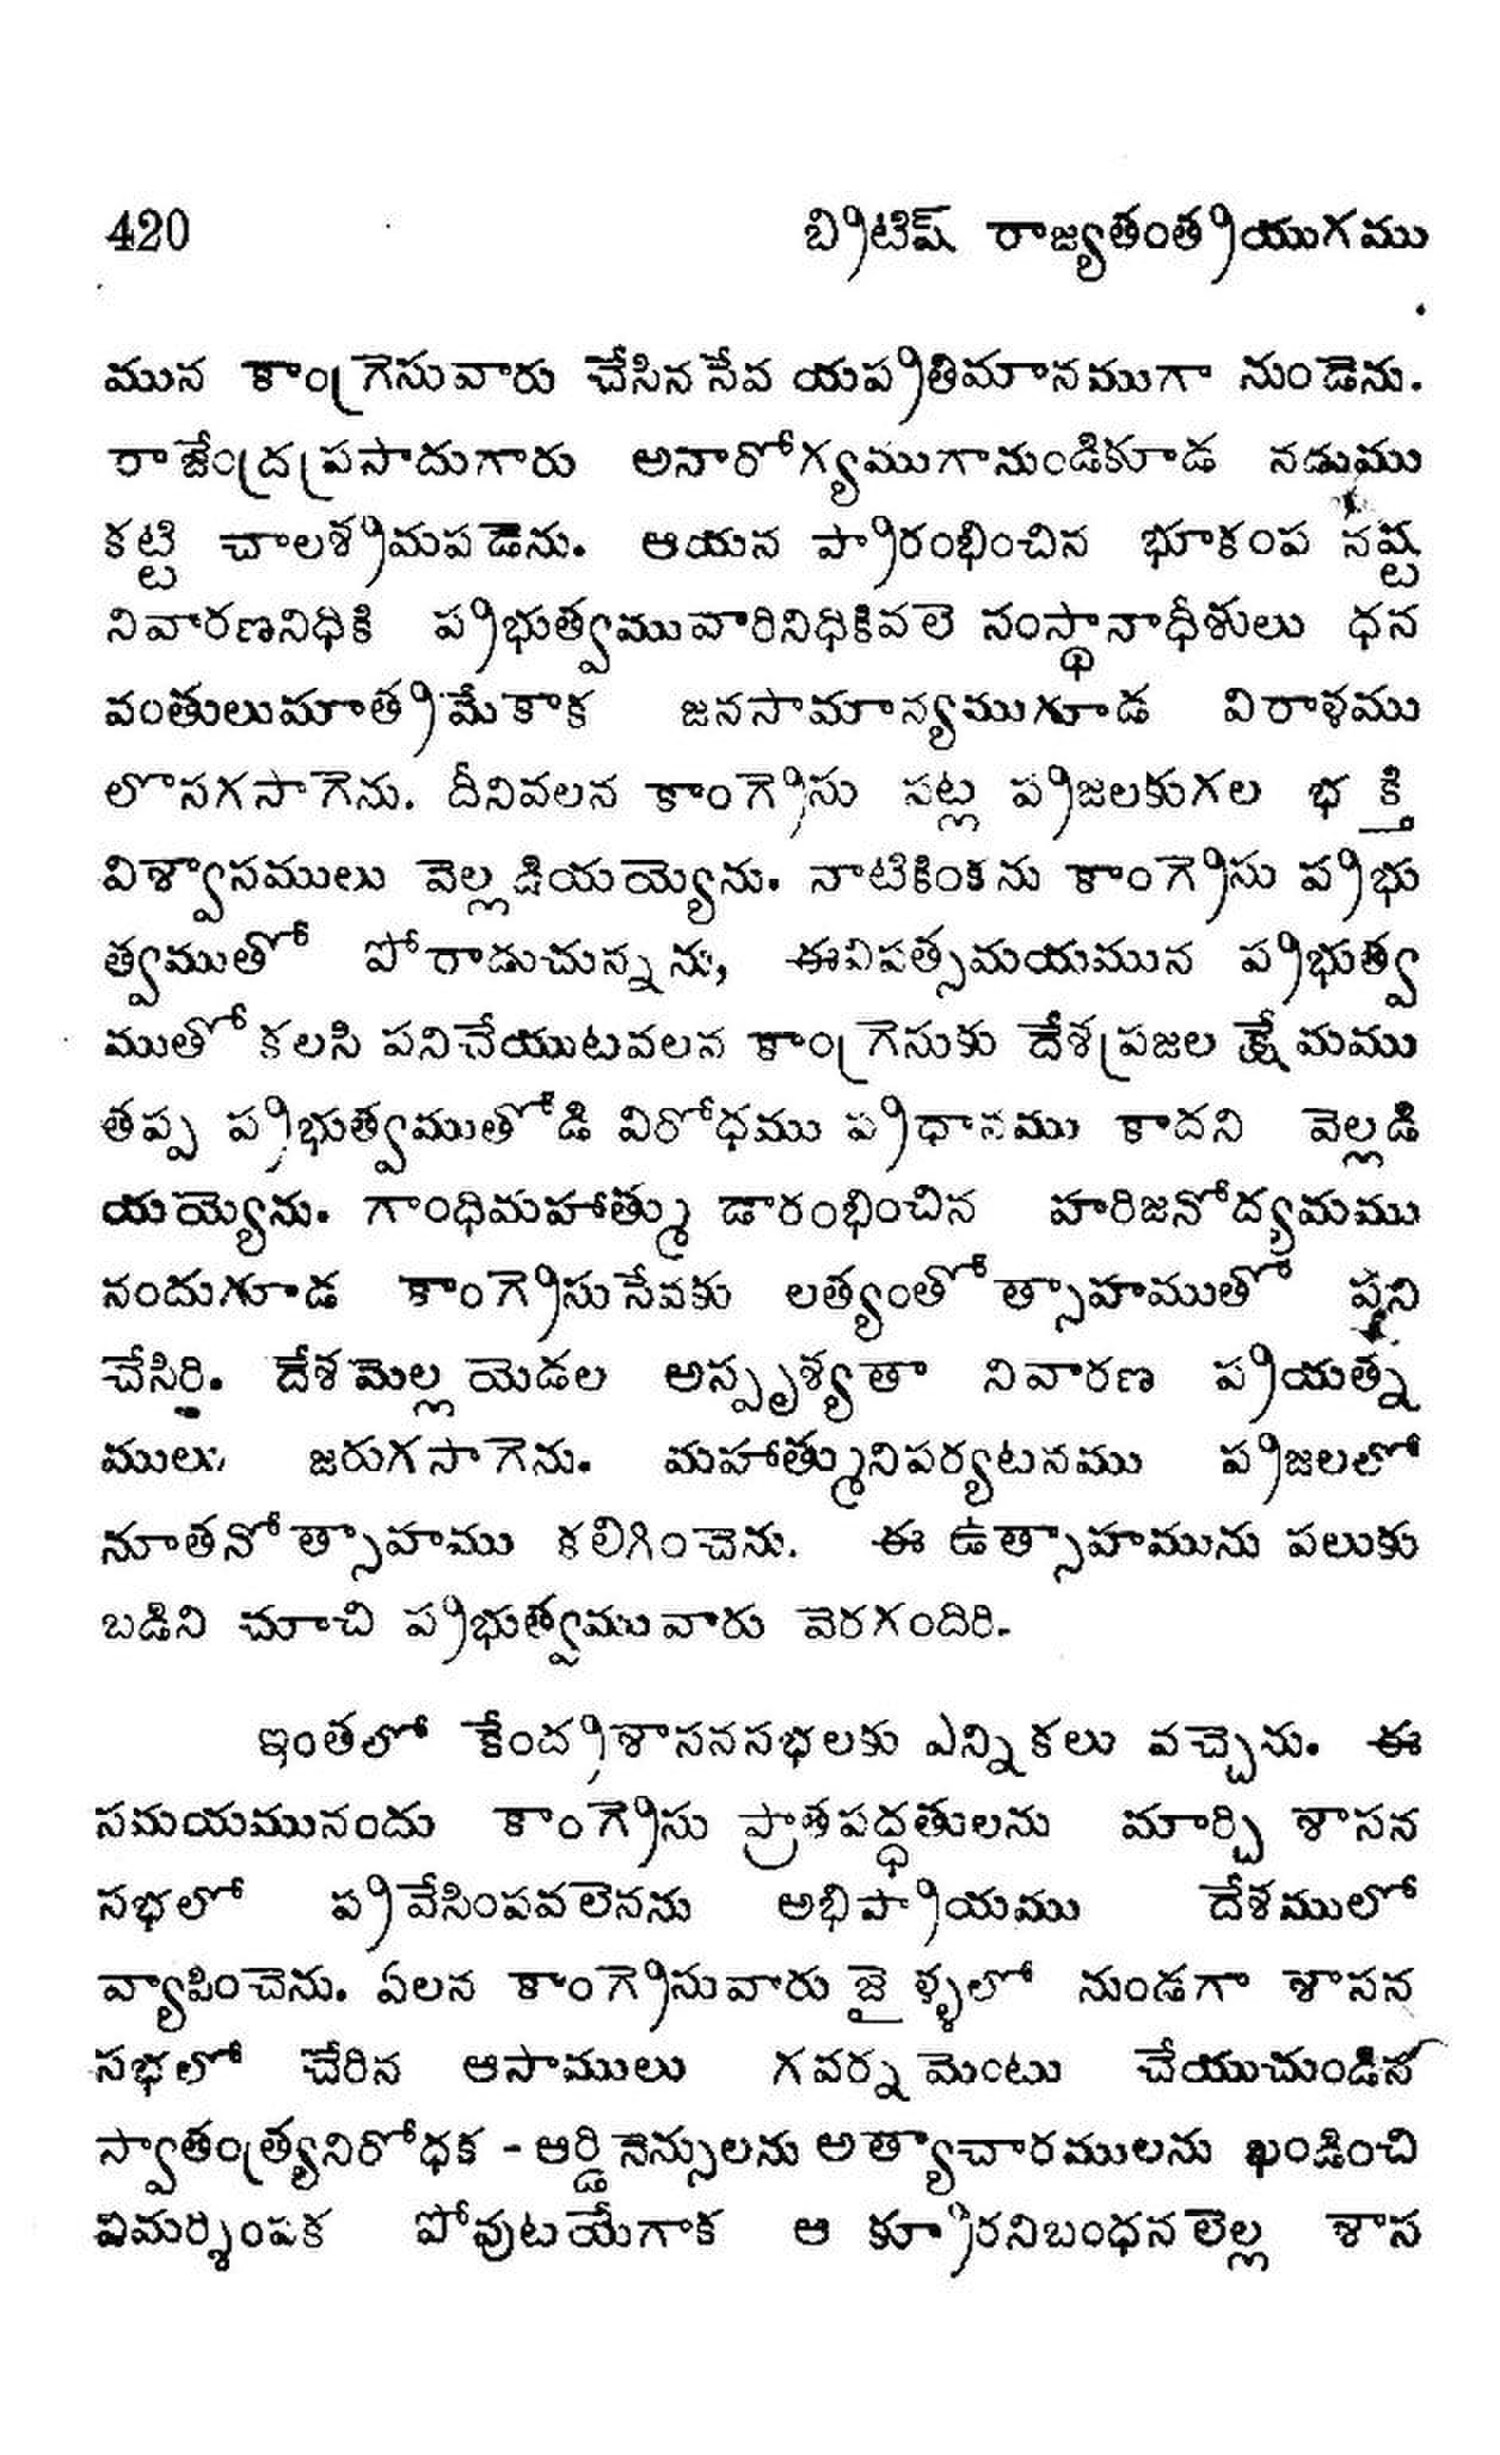మున కాంగ్రెసువారు చేసినసేవ యప్రతిమానముగా నుండెను. రాజేంద్రప్రసాదుగారు అనారోగ్యముగానుండికూడ నడుముకట్టి చాలశ్రమపడెను. ఆయన ప్రారంభించిన భూకంప నష్ట నివారణనిధికి ప్రభుత్వమువారినిధికివలె సంస్థానాధీశులు ధనవంతులుమాత్రమేకాక జనసామాన్యముగూడ విరాళము లొసగసాగెను. దీనివలన కాంగ్రెసు పట్ల ప్రజలకుగల భక్తి విశ్వాసములు వెల్లడియయ్యెను. నాటికింకను కాంగ్రెసు ప్రభుత్వముతో పోరాడుచున్నను, ఈవిపత్సమయమున ప్రభుత్వముతో కలసి పనిచేయుటవలన కాంగ్రెసుకు దేశప్రజల క్షేమము తప్ప ప్రభుత్వముతోడి విరోధము ప్రధానము కాదని వెల్లడి యయ్యెను. గాంధిమహాత్ము డారంభించిన హరిజనోద్యమము నందుగూడ కాంగ్రెసుసేవకు లత్యంతోత్సాహముతో పనిచేసిరి. దేశమెల్లయెడల అస్పృశ్యతా నివారణ ప్రయత్నములు జరుగసాగెను. మహాత్ముని పర్యటనము ప్రజలలో నూతనోత్సాహము కలిగించెను. ఈ ఉత్సాహమును పలుకుబడిని చూచి ప్రభుత్వమువారు వెరగందిరి.

ఇంతలో కేంద్రశాసనసభలకు ఎన్నికలు వచ్చెను. ఈ సమయమునందు కాంగ్రెసు ప్రాతపద్ధతులను మార్చి శాసనసభలో ప్రవేసింపవలెనను అభిప్రాయము దేశములో వ్యాపించెను. ఏలన కాంగ్రెసువారు జైళ్ళలో నుండగా శాసనసభలో చేరిన ఆసాములు గవర్నమెంటు చేయుచుండిన స్వాతంత్ర్యనిరోధక - ఆర్డినెన్సులను అత్యాచారములను ఖండించి విమర్శింపక పోవుటయేగాక ఆ క్రూరనిబంధనలెల్ల శాస